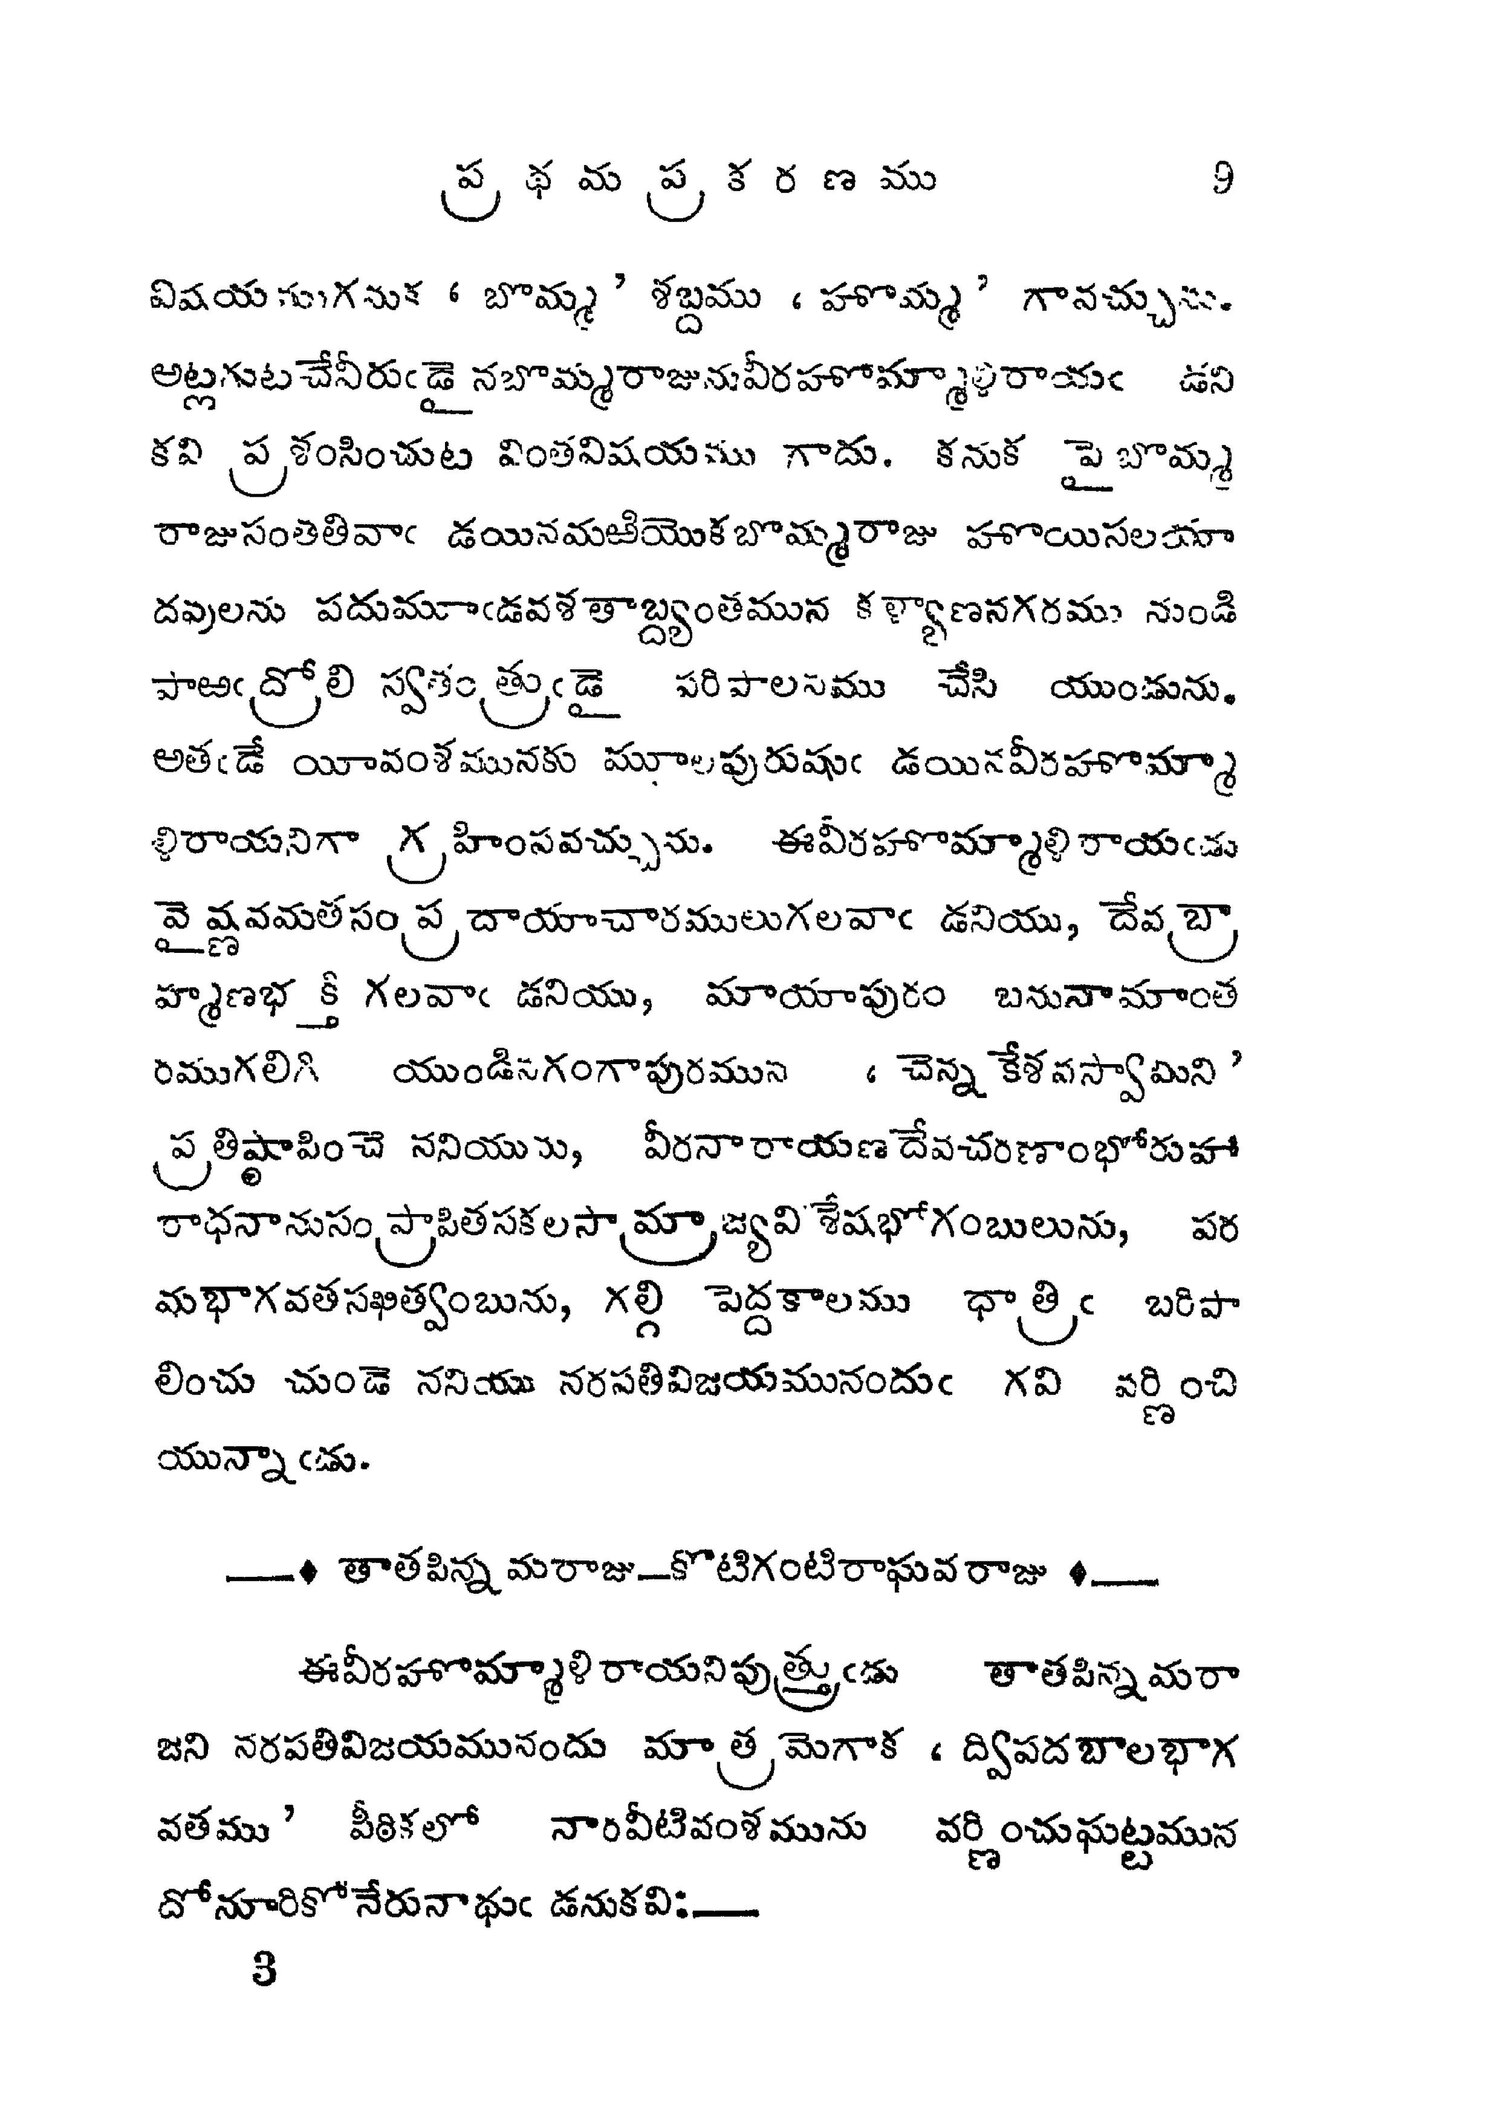విషయముగనుక 'బొమ్మ' శబ్దము 'హొమ్మ' గావచ్చును. అట్లగుటచే వీరుడైన బొమ్మరాజును వీరహొమ్మాళిరాయ డని కవి ప్రశంసించుట వింతవిషయము గాదు. కనుక పైబొమ్మరాజుసంతతివా డయినమఱియొక బొమ్మరాజు హొయిసలయాదవులను పదుమూడవ శతాబ్ద్యంతమున కళ్యాణనగరము నుండి పాఱద్రోలి స్వతంత్రుడై పరిపాలనము చేసి యుండును. అతడే యీవంశమునకు మూలపురుషు డయినవీరహొమ్మాళిరాయనిగా గ్రహింపవచ్చును. ఈవీరహొమ్మాళిరాయడు వైష్ణవమత సంప్రదాయాచారములుగలవా డనియు, దేవబ్రాహ్మణభక్తి గలవా డనియు, మాయాపురం బనునామాంతరముగలిగి యుండిన గంగాపురమున 'చెన్నకేశవస్వామిని' ప్రతిష్ఠాపించె ననియును, వీరనారాయణదేవచరణాంభోరుహా రాధనానుసంప్రాపితసకలసామ్రాజ్యవిశేషభోగంబులును, పరముభాగవత సఖిత్వంబును, గల్గి పెద్దకాలము ధాత్రి బరిపాలించు చుండె ననియు నరపతివిజయమునందు గవి వర్ణించి యున్నాడు.

ఈవీరహొమ్మాళిరాయనిపుత్త్రుడు తాతపిన్నమరాజని నరపతివిజయమునందు మాత్రమెగాక 'ద్విపదబాలభాగవతము' పీఠికలో నారవీటివంశమును వర్ణించుఘట్టమున దోనూరి కోనేరునాథు డనుకవి:-